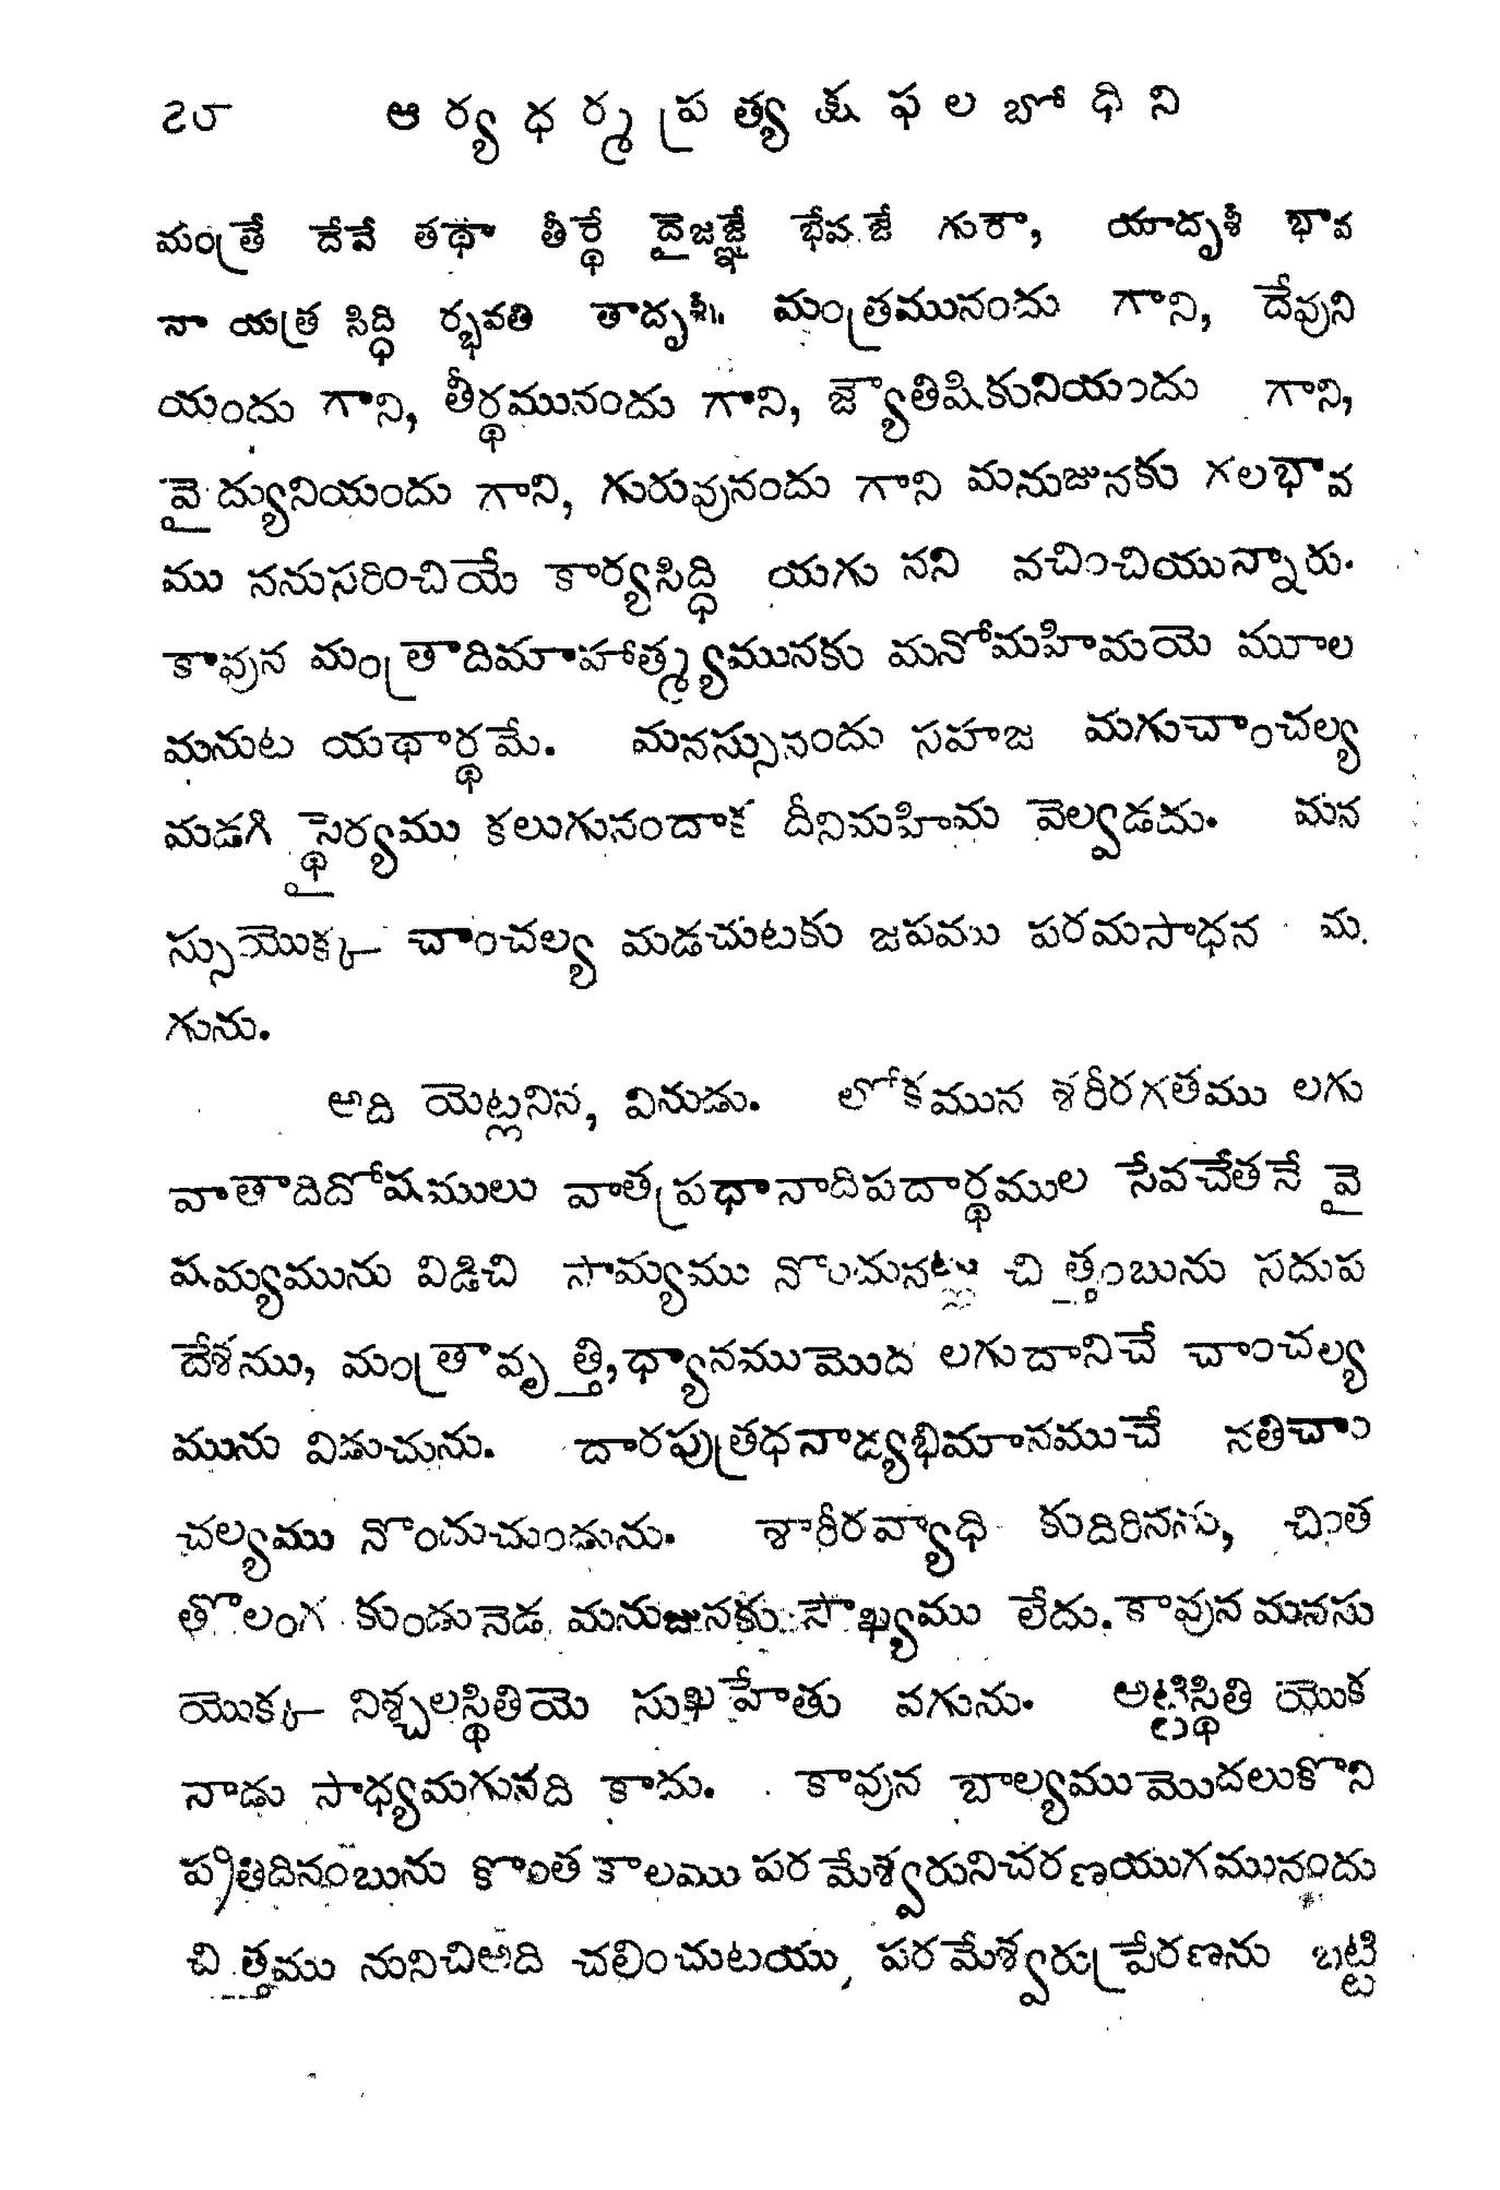మంత్రే దేవే తథా తీర్థే దైజజ్ఞే భేవ జే గురౌ, యాదృశీ భావనా యత్ర సిద్ధి ర్భవతి తాదృశ్రీ॥ మంత్రమునందు గాని, దేవునియందు గాని, తీర్థమునందు గాని, జ్యోతిషికునియందు గాని, వైద్యునియందు గాని, గురువునందు గాని మనుజునకు గలభావము ననుసరించియే కార్యసిద్ధి యగు నని వచించియున్నారు. కావున మంత్రాదిమాహాత్మ్యమునకు మనోమహిమయె మూలమనుట యథార్థమే. మనస్సునందు సహజ మగుచాంచల్య
మడగి స్థైర్యము కలుగునందాక దీనిమహిమ వెల్వడదు. మనస్సుయొక్క చాంచల్య మడచుటకు జపము పరమసాధన మగును.

అది యెట్లనిన, వినుడు. లోకమున శరీరగతము లగు వాతాదిదోషములు వాతప్రధానాదిపదార్థముల సేవచేతనే వైషమ్యమును విడిచి సామ్యము నొందునట్లు చిత్తంబును సదుప దేశము, మంత్రావృత్తి, ధ్యానముమొద లగుదానిచే చాంచల్యమును విడుచును. దారపుత్రధనాద్యభిమానముచే నతిచాంచల్యము నొందుచుండును. శారీరవ్యాధి కుదిరినను, చింత తొలంగ కుండునెడ, మనుజునకు సౌఖ్యము లేదు. కావున మనసుయొక్క నిశ్చలస్థితియె సుఖహేతు వగును. అట్టిస్థితి యొకనాడు సాధ్యమగునది కాదు. కావున బాల్యముమొదలుకొని
ప్ర్రతిదినంబును కొంతకాలము పరమేశ్వరునిచరణయుగమునందు చిత్తము నునిచిఅది చలించుటయు, పరమేశ్వరుప్రేరణను బట్టి